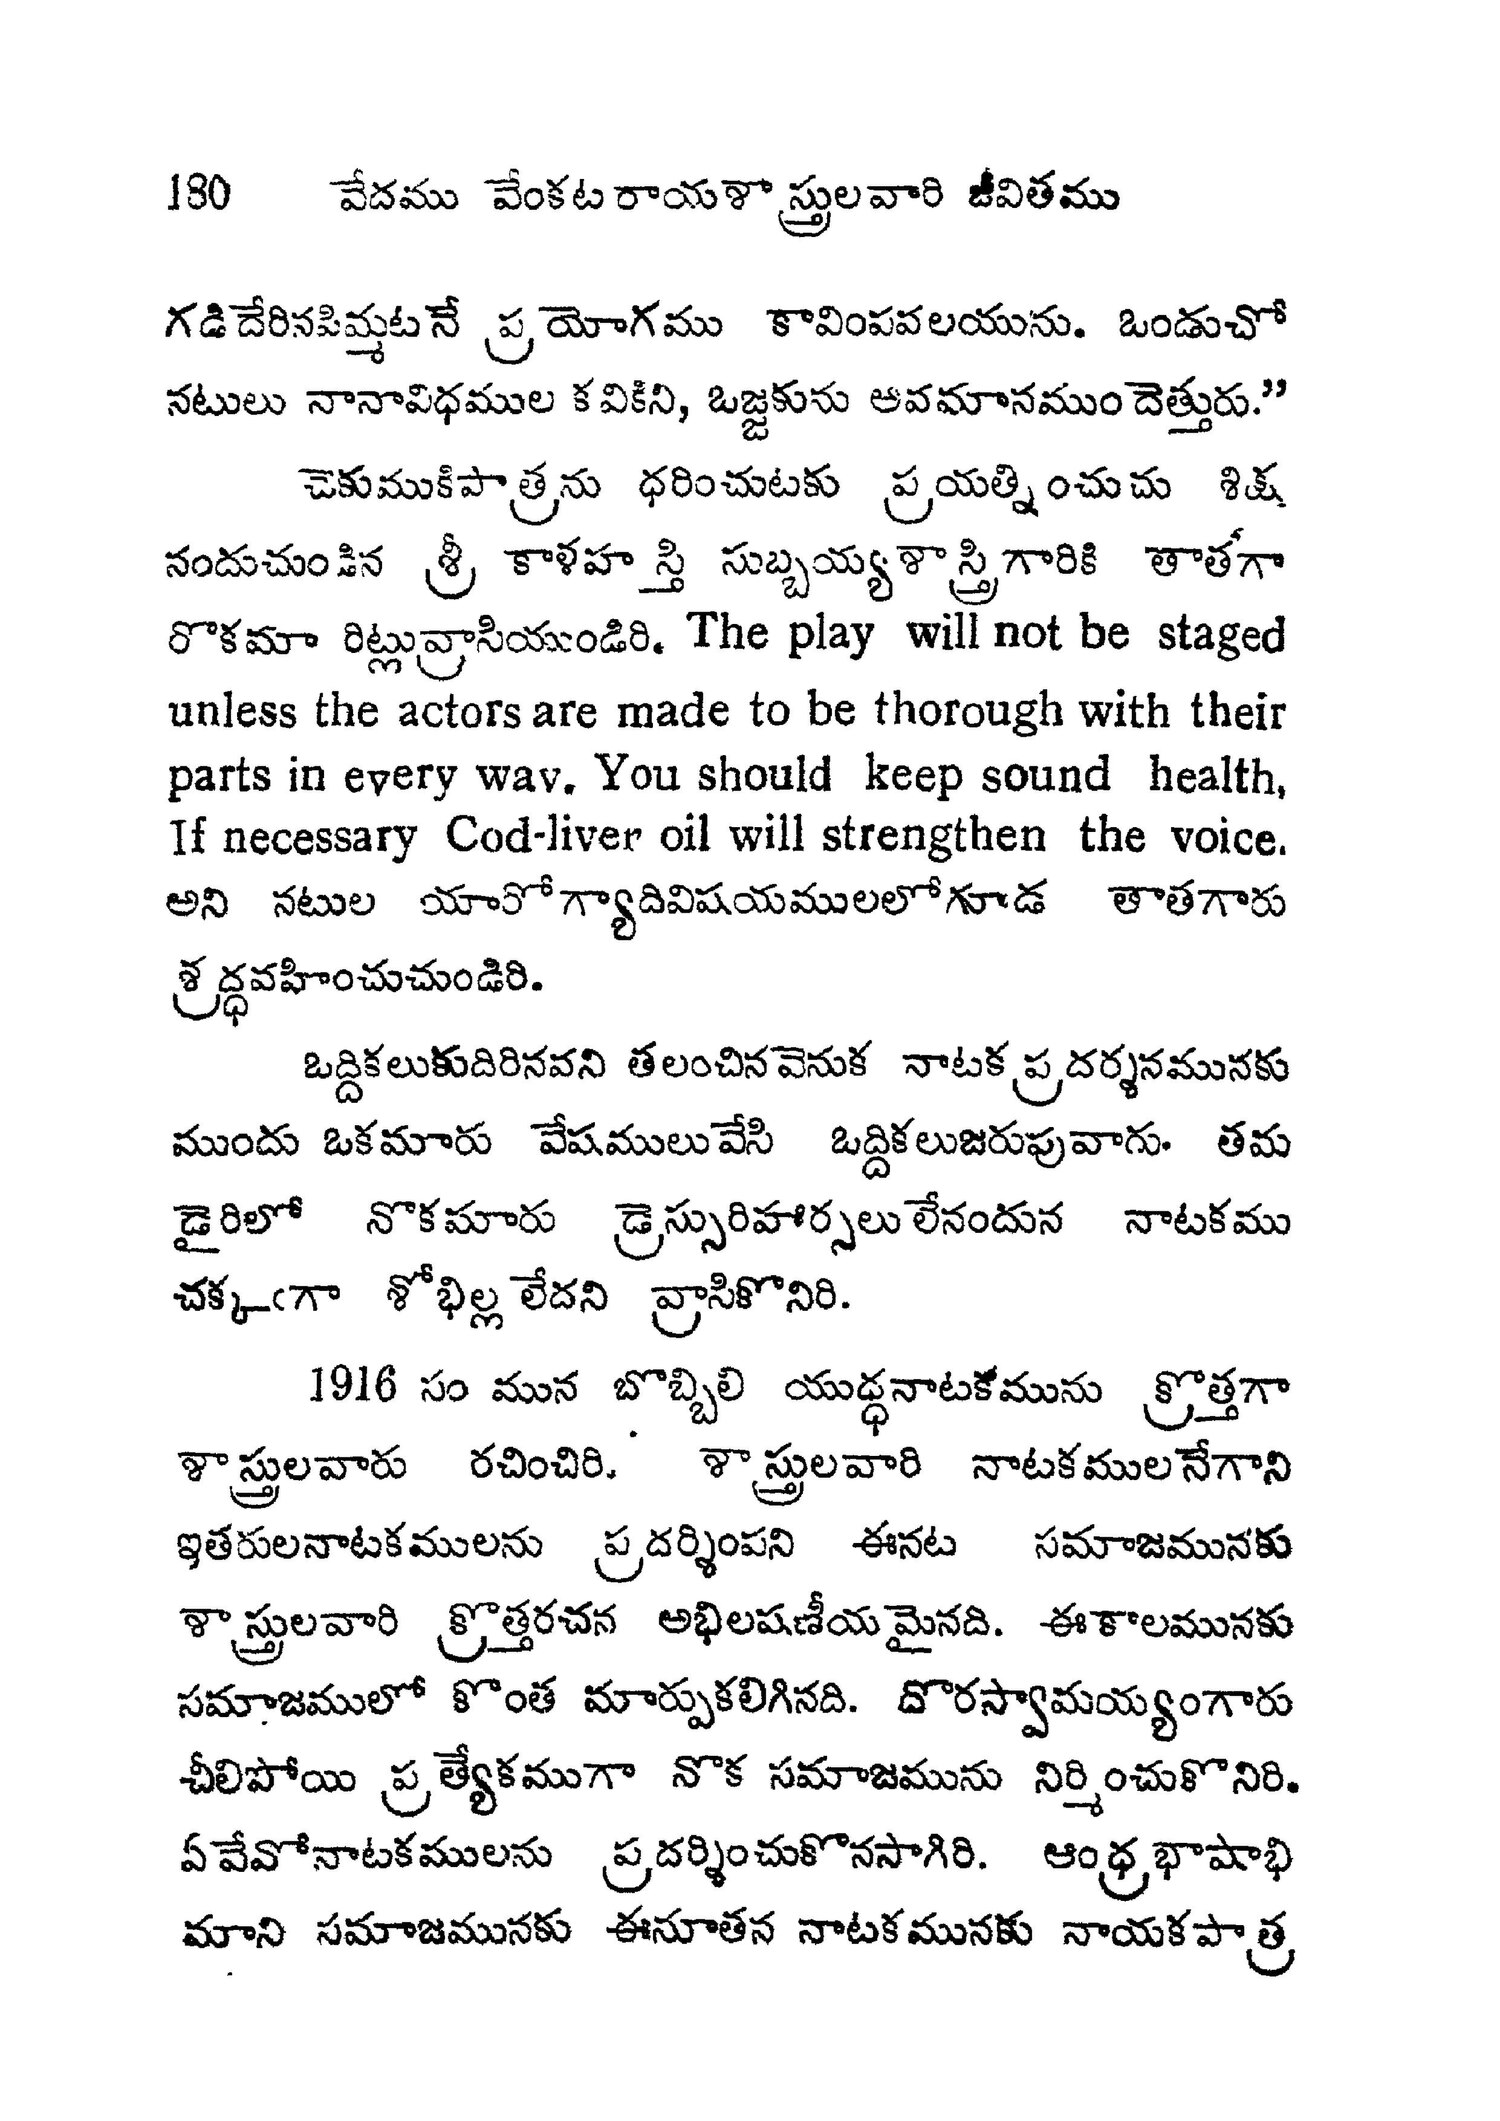గడిదేరినపిమ్మటనే ప్రయోగము కావింపవలయును. ఒండుచో నటులు నానావిధముల కవికిని, ఒజ్జకును అవమానముందెత్తురు."

చెకుముకిపాత్రను ధరించుటకు ప్రయత్నించుచు శిక్షనందుచుండిన శ్రీ కాళహస్తి సుబ్బయ్యశాస్త్రిగారికి తాతగారొకమా రిట్లు వ్రాసియుండిరి. The play will not be staged unless the actors are made to be thorough with their parts in every way. You should keep sound health, If necesssary Cod-liver oil will strengthen the voice. అని నటుల యారోగ్యాదివిషయములలోగూడ తాతగారు శ్రద్ధవహించుచుండిరి.

ఒద్దికలుకుదిరినవని తలంచినవెనుక నాటకప్రదర్శనమునకు ముందు ఒకమారు వేషములువేసి ఒద్దికలుజరుపువారు. తమ డైరిలో నొకమారు డ్రెస్సురిహార్సలు లేనందున నాటకము చక్కగా శోభిల్లలేదని వ్రాసికొనిరి.

1916 సం మున బొబ్బిలి యుద్ధనాటకమును క్రొత్తగా శాస్త్రులవారు రచించిరి. శాస్త్రులవారి నాటకములనేగాని ఇతరుల నాటకములను ప్రదర్శింపని ఈనట సమాజమునకు శాస్త్రులవారి క్రొత్తరచన అభిలషణీయమైనది. ఈకాలమునకు సమాజములో కొంత మార్పుకలిగినది. దొరస్వామయ్యంగారు చీలిపోయి ప్రత్యేకముగా నొక సమాజమును నిర్మించుకొనిరి. ఏవేవోనాటకములను ప్రదర్శించు కొనసాగిరి. ఆంధ్రభాషాభిమాని సమాజమునకు ఈనూతన నాటకమునకు నాయకపాత్ర